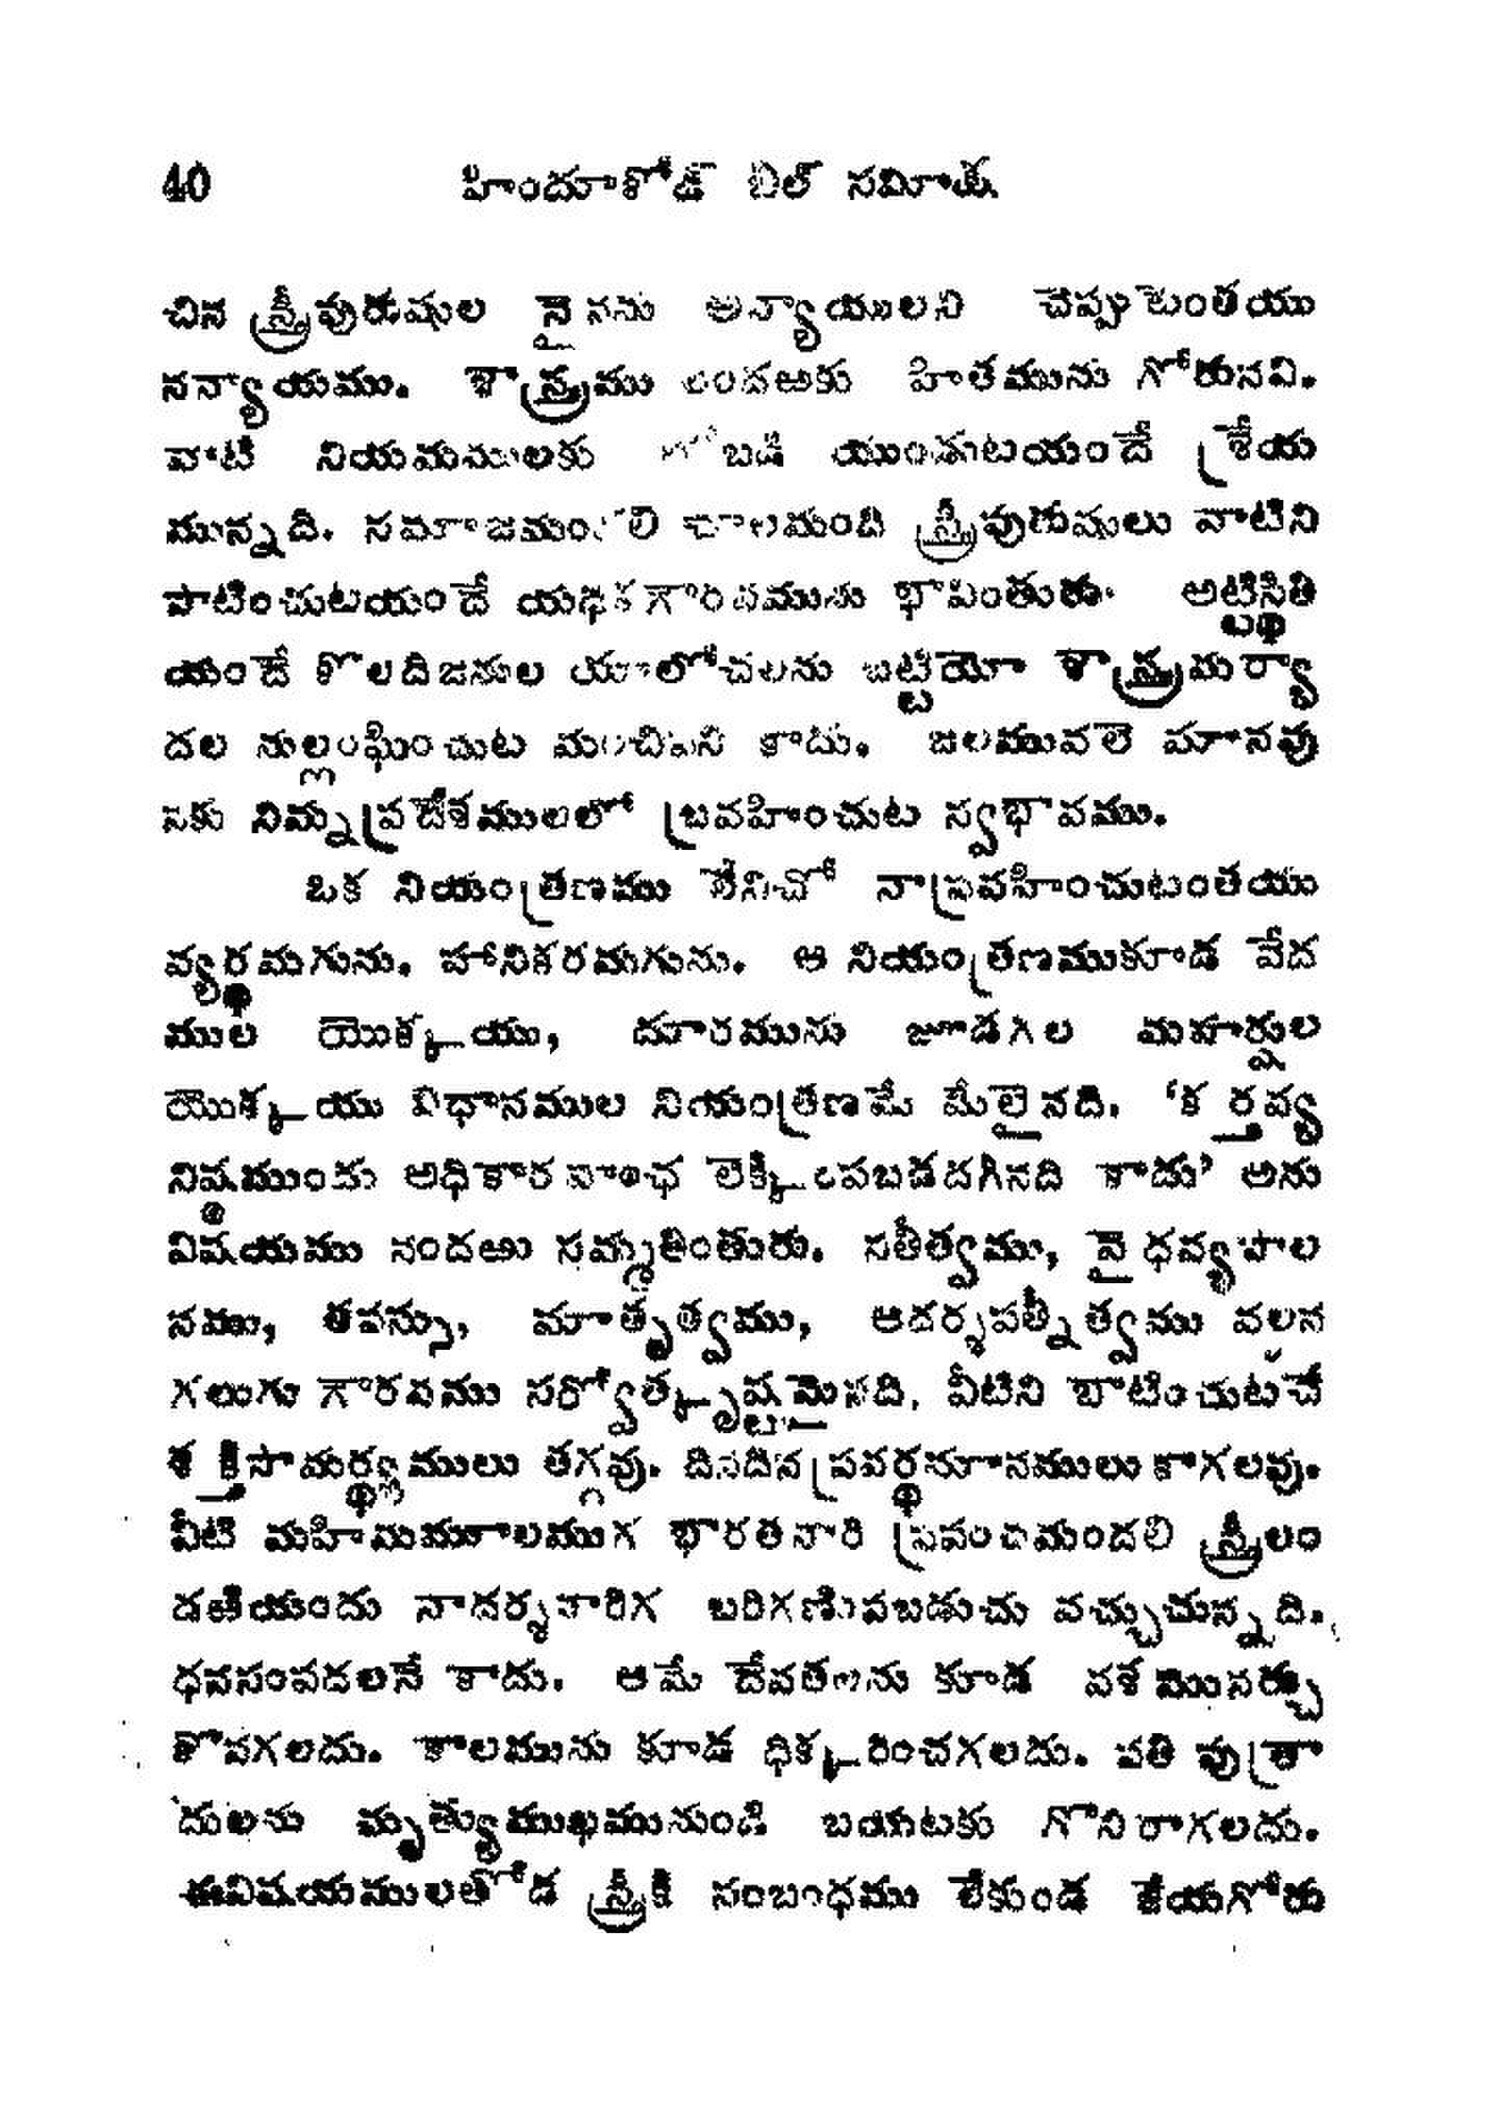చిన స్త్రీపురుషుల నైనను అన్యాయులని చెప్పుటెంతయు
నన్యాయము. శాస్త్రము లందఱకు హితమును గోరునవి.
వాటి నియమములకు లోబడి యుండుటయందే శ్రేయ
మున్నది. సమాజమందలి చాలమంది స్త్రీపురుషులు వాటిని
పాటించుటయందే యధిక గౌరవమును భావింతురు. అట్టిస్థితి
యందే కొలదిజనుల యాలోచలను బట్టియో శాస్త్రమర్యాదల 
నుల్లంఘించుట మంచిపని కాదు. జలమువలె మానవు
న కు నిమ్న ప్రదేశములలో బ్రవహించుట స్వభావము.

ఒక నియంత్రణము లేనిచో నా ప్రవహించుటంతయు
వ్యర్థమగును, హానికరమగును. ఆ నియంత్రణముకూడ వేద
ముల యొక్కయు, దూరమును జూడగల మహర్షుల
యొక్కయు విధానముల నియంత్రణమే మేలైనది. 'కర్తవ్య
నిష్ఠముందు అధికారవాంఛ లెక్కింపబడదగినది కాదు' అను
విషయము నందఱు సమ్మతింతురు, సతీత్వము, వైధవ్య 
పాలనము, తపస్సు, మాతృత్వము, ఆదర్శపత్నీత్వము వలన
గలుగు గౌరవము సర్వోత్కృష్టమైనది. వీటిని బాటించుటచే
శక్తిసామర్థ్యములు తగ్గవు. దినదిన ప్రవర్థమానములు కాగలవు. 
వీటి మహిమమూలముగ భారతనారి ప్రపంచమందలి 
స్త్రీలందఱియందు నాదర్శకారిగ బరిగణింపబడుచు వచ్చుచున్నది..
ధనసంపదలనే కాదు. ఆమే దేవతలను కూడ వశమొనర్చు
కొన గలదు. కాలమును కూడ ధిక్కరించగలదు. పతి పుత్రా
దులను మృత్యుముఖమునుండి బయటకు గొని రాగలదు.
ఈవిషయములతోడ స్త్రీకి సంబంధము లేకుండ జేయగోరు